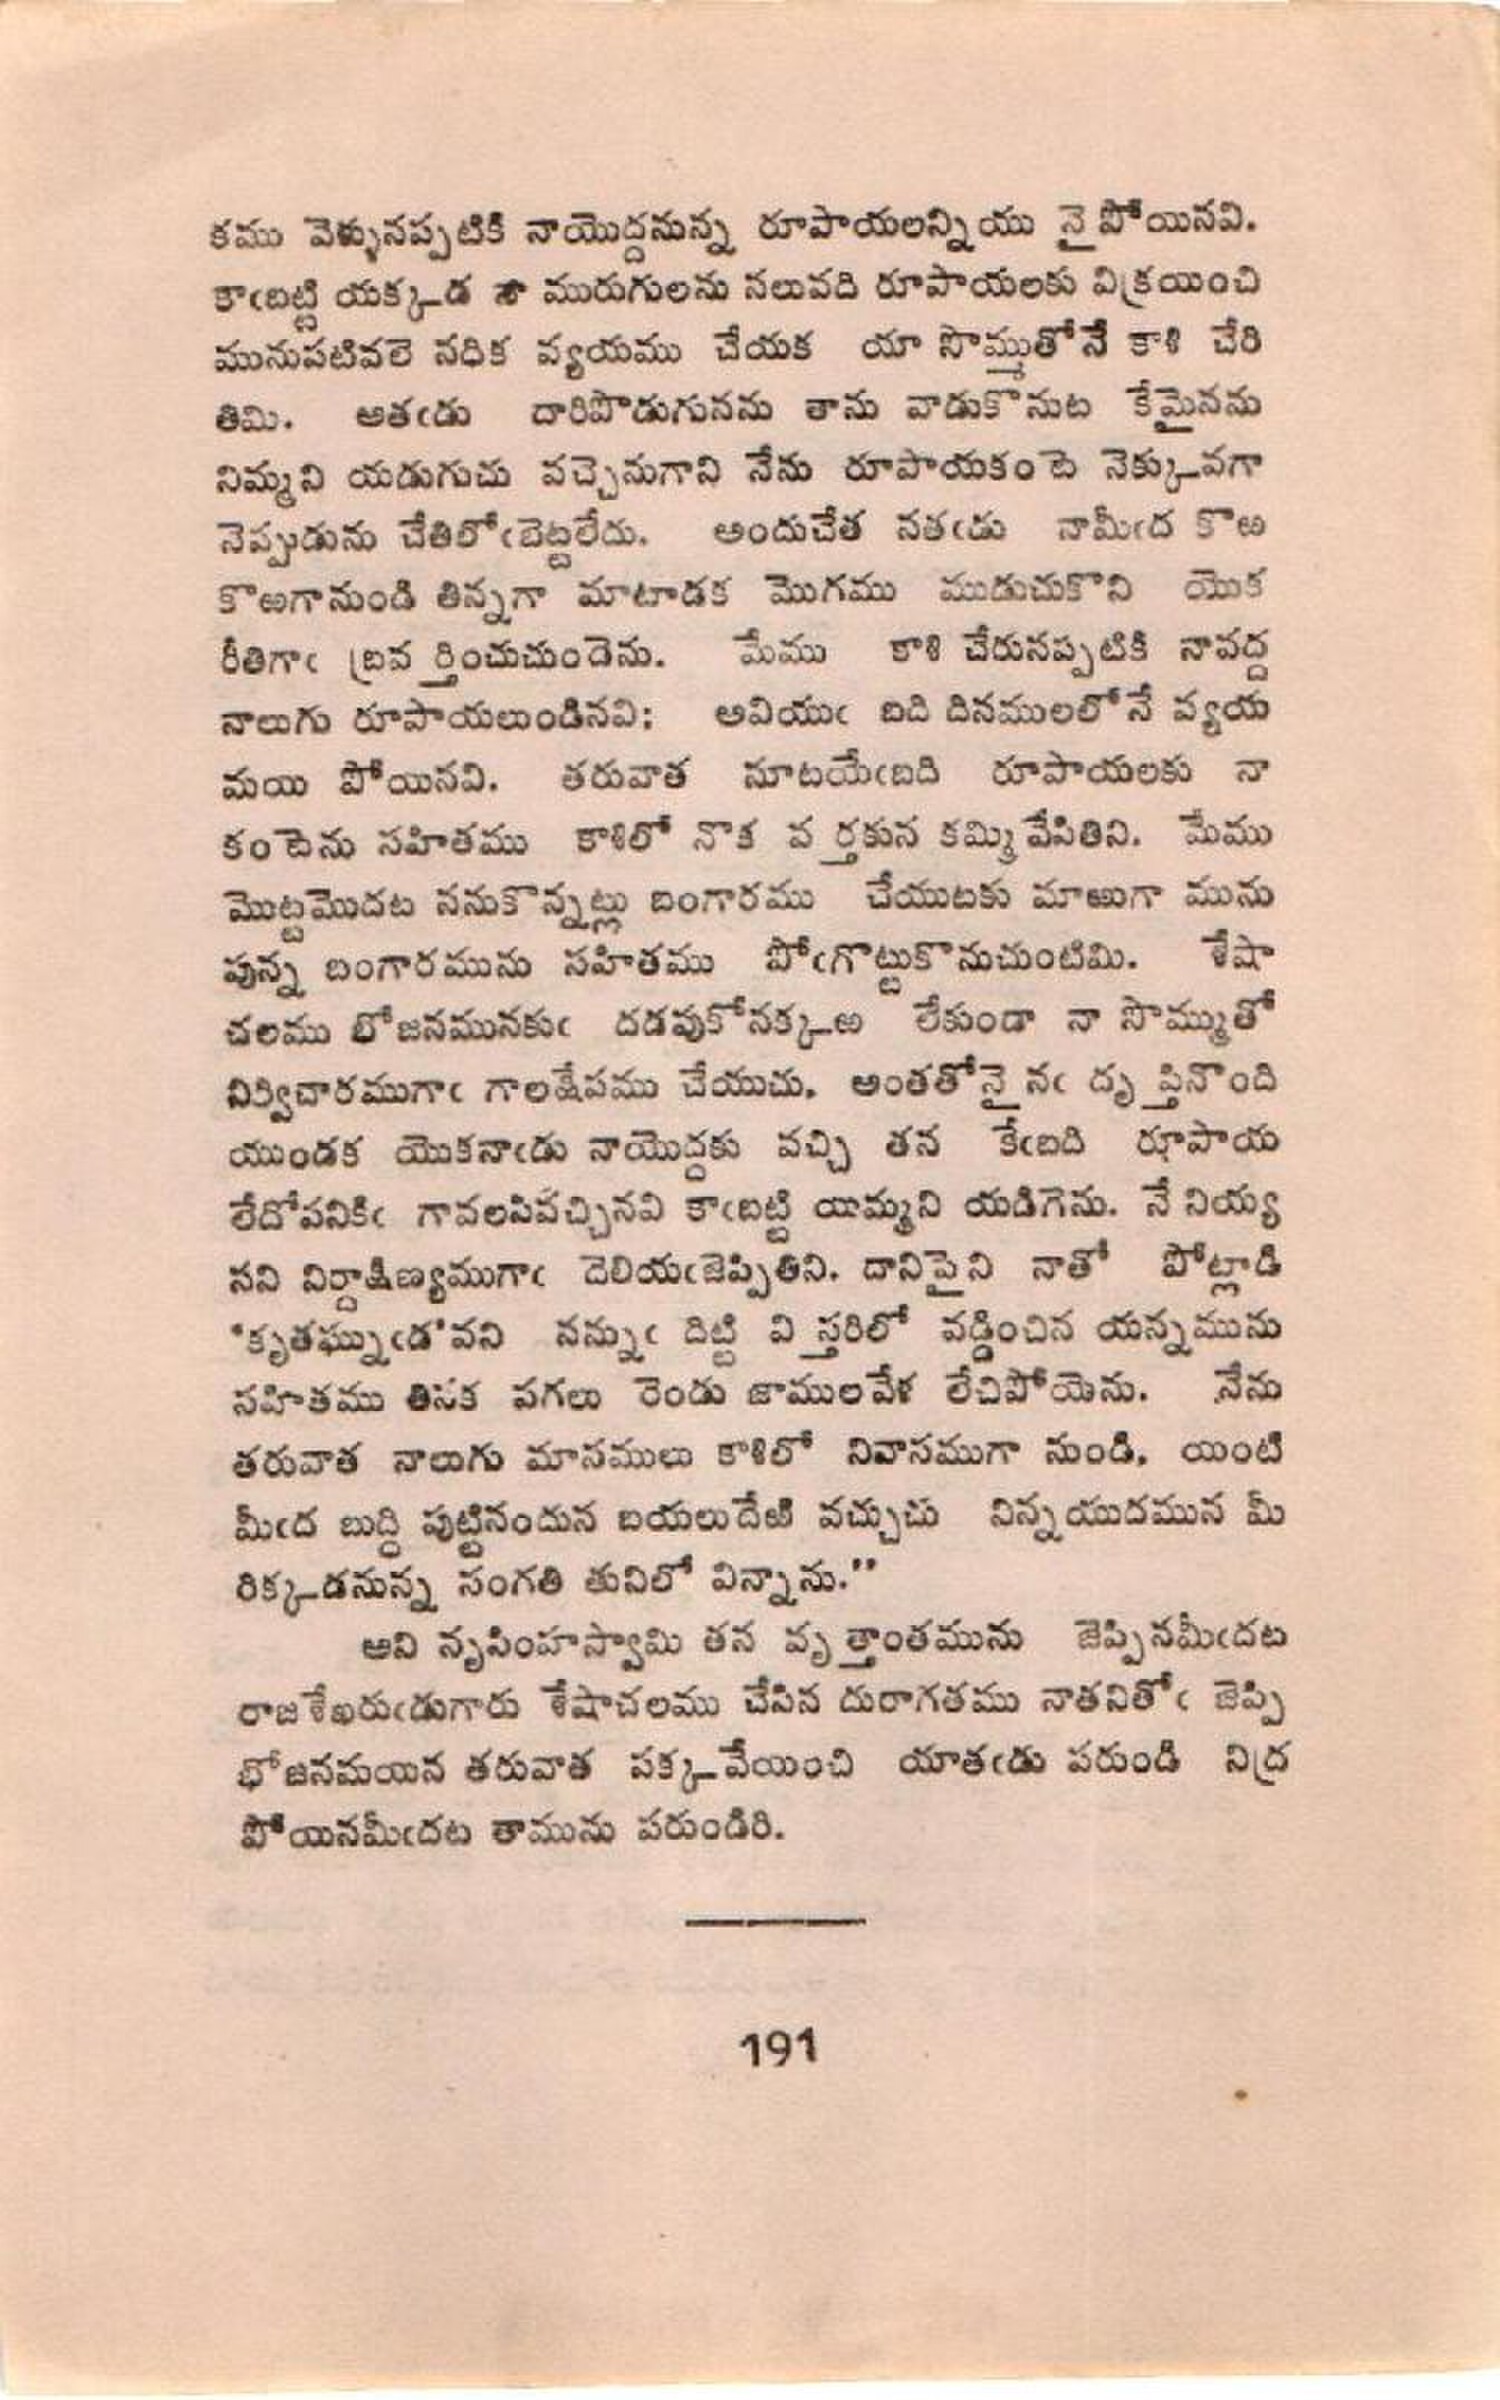కము వెళ్ళునప్పటికి నాయొద్దనున్న రూపాయలన్నియు నైపోయినవి. కాఁబట్టి యక్కడ నా మురుగులను నలువది రూపాయలకు విక్రయించి మునుపటివలె నధిక వ్యయము చేయక యా సొమ్ముతోనే కాశి చేరితిమి. అతఁడు దారిపొడుగునను తాను వాడుకొనుట కేమైనను నిమ్మని యడుగుచు వచ్చెనుగాని నేను రూపాయకంటె నెక్కువగా నెప్పుడును చేతిలోఁబెట్టలేదు. అందుచేత నతఁడు నామీఁద కొఱ కొఱగానుండి తిన్నగా మాటాడక మొగము ముడుచుకొని యొక రీతిగాఁ బ్రవర్తించుచుండెను. మేము కాశి చేరునప్పటికి నావద్ద నాలుగు రూపాయలుండినవి; అవియు బది దినములలోనే వ్యయమయు పోయినవి. తరువాత నూటయేఁబది రూపాయలకు నా కంటెను సహితము కాశిలో నొక వర్తకున కమ్మివేసితిని. మేము మొట్టమొదట ననుకొన్నట్లు బంగారము చేయుటకు మాఱుగా మును పున్న బంగారమును సహితము పోగొట్టుకొనుచుంటిమి. శేషా చలము భోజనమునకుఁ దడవుకోనక్కఱ లేకుండా నా సొమ్ముతో నిర్విచారముగాఁ గాలక్షేపము చేయుచు, అంతతోనైనఁ దృప్తినొంది యుండక యెుకనాఁడు నాయొద్దకు వచ్చి తన కేబది లేదోపనికిఁ గావలసివచ్చినవి కాబట్టి యిమ్మని యడిగెను. నే నియ్యనని నిర్ధాక్షిణ్యముగాఁ దెలియఁజెప్పితిని. దానిపైని నాతో పోట్లాడి "కృతఘ్నుఁడ"వని నన్నుఁ దిట్టి విస్తరిలో వడ్డించిన యన్నమును సహితము తినక పగలు రెండు జాములవేళ లేచిపోయెను. నేను తరువాత నాలుగు మాసములు కాశిలో నివాసముగా నుండి, యింటి మీద బుద్ధి పుట్టినందున 
బయలుదేఱి వచ్చుచు నిన్నయుదమున మీ రిక్కడనున్న సంగతి తునిలో విన్నాను."

అని నృసింహస్వామి తన వృత్తాంతమును జెప్పినమీఁదట రాజశేఖరుడుగారు శేషాచలము చేసిన దురాగతము నాతనితోఁ జెప్పి భోజనమయిన తరువాత పక్కవేయించి యాతఁడు పరుండి నిద్ర పోయినమీఁదట తామును పరుండిరి.